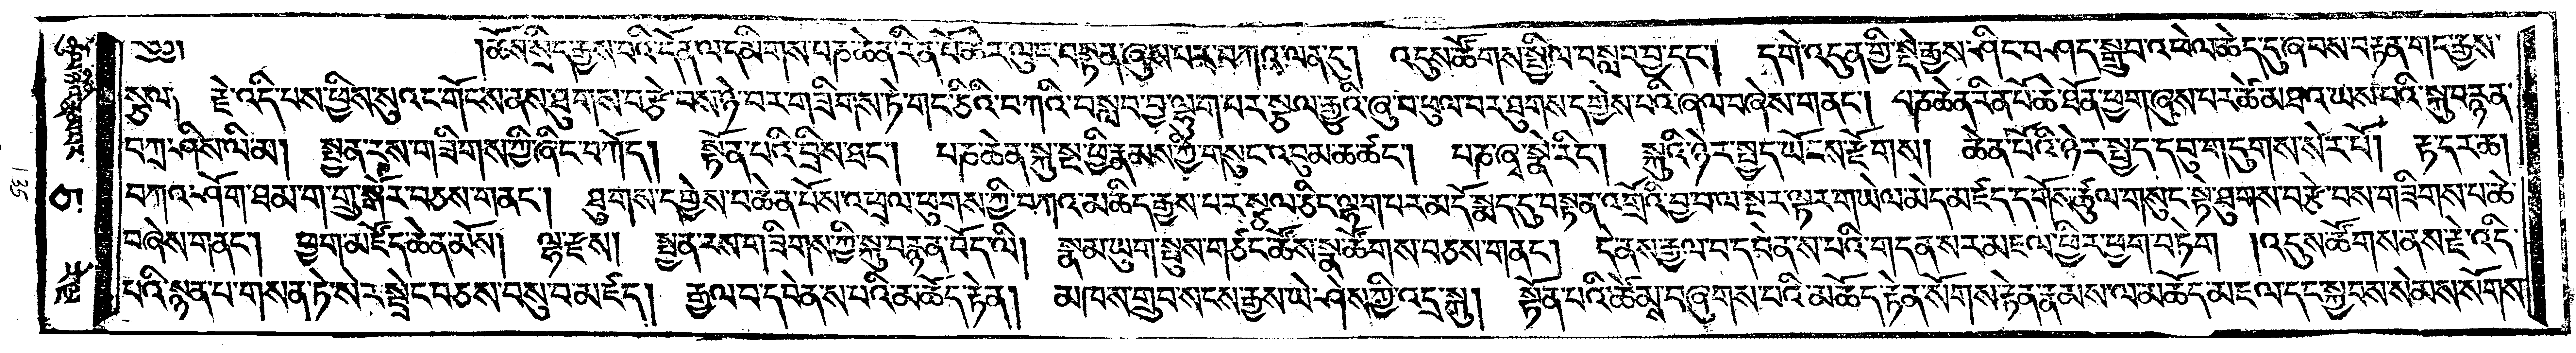༄༅། །ཆོས་སྲིད་རྒྱས་བའི་དོན་ལ་དམིགས་པཎ་ཆེན་རིན་པོ་ཆེར་ལུང་བསྟན་ཞུས་པར་བཀའ་ལན་དུ། འདུས་ཚོགས་སྤྱིལ་བསླབ་བྱ་དང་། དགེ་འདུན་གྱི་སྡེ་རྒྱས་ཤིང་བཤད་སྒྲུབ་འཕེལ་ཆེད་དུ་ཞབས་བརྟན་གང་རྒྱས་
སྩལ། རྗེ་འདི་པས་ཕྱིས་སུའང་གོངས་ནས་ཐུགས་བརྩེ་བས་ཉེ་བར་གཟིགས་ཏེ་གང་ཅིའི་བཀའི་བསླབ་བྱ་ལྷུག་པར་སྩལ་རྒྱུའི་ཞུབ་ཕུལ་བར་ཐུགས་དགྱེས་པའི་ཞལ་བཞེས་གནང་། པཎ་ཆེན་རིན་པོ་ཆེ་ཐོན་ཕྱག་ཞུས་བར་ཚེ་མཐའ་ཡས་པའི་སྐུ་བརྙན་
བཀྲ་ཤིས་ལིམ། སྤྱན་རས་གཟིགས་ཀྱི་ཞིང་བཀོད། སྟོན་པའི་བྲིས་ཐང་། པཎ་ཆེན་སྐུ་སྔ་ཕྱི་རྣམས་ཀྱི་གསུང་འབུམ་ཆ་ཚང་། པཎ་ཞྭ་སྣེ་རིང་། སྐུའི་ཉེར་སྤྱད་ཡོངས་རྫོགས། ཆེན་པོའི་ཉེར་སྤྱད་དབུ་གདུགས་སེར་པོ། རྟ་དར་ཆ།
བཀའ་ཤོག་ཐམ་ག་གྲུ་སྒོར་བཅས་གནང་། ཐུགས་དགྱེས་པ་ཆེན་པོས་འཕྲལ་ཕུགས་ཀྱི་བཀའ་མཆིད་རྒྱས་པར་སྩལ་ཅིང་ལྷག་པར་མདོ་སྨད་དུ་བསྟན་འགྲོའི་བྱ་བ་ལ་སྔར་ལྟར་གཡེལ་མེད་མཛད་དགོས་ཚུལ་གསུང་སྟེ་ཐུགས་བརྩེ་བས་གཟིགས་པ་ཆེ་
བཞེས་གནང་། ཕྱག་མཛོད་ཆེན་མོས། ལྷ་རྫས། སྤྱན་རས་གཟིགས་ཀྱི་སྐུ་བརྙན་བོད་ལི། སྣམ་ཡུག་སྤུས་གཙང་ཆོས་སྣ་ཚོགས་བཅས་གནང་། དེ་ནས་རྒྱལ་བ་དབེན་ས་པའི་གདན་སར་མཇལ་ཕྱིར་ཕྱག་བཏེག །འདུས་ཚོགས་ནས་རྗེ་འདི་
པའི་སྙན་པ་གསན་ཏེ་སེར་སྤྲེང་བཅས་བསུ་བ་མཛད། རྒྱལ་བ་དབེན་ས་པའི་མཆོད་རྟེན། མཁས་གྲུབ་སངས་རྒྱས་ཡེ་ཤེས་ཀྱི་འདྲ་སྐུ། སྟོན་པའི་ཚེམས་བཞུགས་པའི་མཆོད་རྟེན་སོགས་རྟེན་རྣམས་ལ་མཆོད་མཇལ་དང་སྐྱབས་སེམས་སོགས་